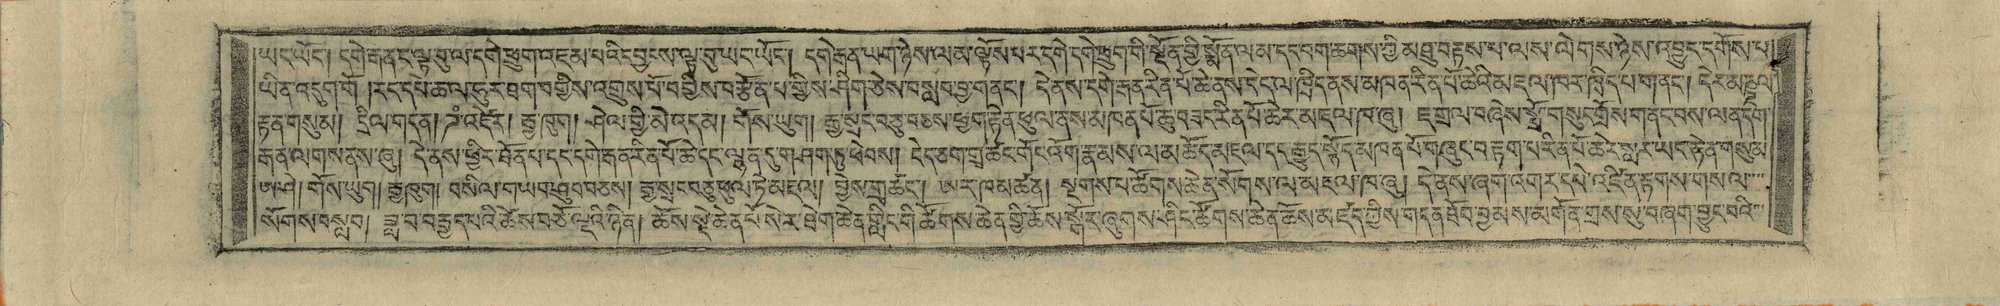ཡང་ཡོང་། དགེ་རྒན་ང་ལྟ་བུ་ལ་དགེ་ཕྲུག་འཇམ་པའི་དབྱངས་ལྟ་བུ་ཡང་ཡོང་། དགེ་རྒན་ཡག་ཉེས་ལ་མ་ལྟོས་པར་དགེ་དགེ་ཕྲུག་གི་སྔོན་གྱི་སྨོན་ལམ་དང་བག་ཆགས་ཀྱི་མཐུ་བརྟས་པ་ལས་ལེགས་ཉེས་འབྱུང་དགོས་པ་
ཡིན་འདུག་གོ །རང་དཔེ་ཆ་ལ་ཧུར་ཐག་བགྱིས་འགྲུས་པོ་བགྱིས་བརྩོན་པ་གྱིས་ཤིག་ཅེས་བསླབ་བྱ་གནང་། དེ་ནས་དགེ་རྒན་རིན་པོ་ཆེ་ནས་ངེད་ལ་ཁྲིད་ནས་མཁན་རིན་པོ་ཆེའི་མཇལ་ཁར་ཁྲིད་པ་གནང་། དེར་མཎྜལ་
རྟན་གསུམ། དྲིལ་གདན། ཌཾ་འཛེར། རྒྱ་ཁུག །ཤེལ་གྱི་མེ་འདམ། གོས་ཡུག །རྒྱ་སྲང་བཅུ་བཅས་ཕྱག་རྟེན་ཕུལ་ནས་མཁན་པོ་ཆུ་བཟང་རིན་པོ་ཆེར་མཇལ་ཁ་ཞུ། ཇ་གྲལ་བཞེས་སྤྲོ་གསུང་གྲོས་གནང་བས་ལན་དགེ་
རྒན་ལགས་ནས་ཞུ། དེ་ནས་ཕྱིར་ཐོན་པ་དང་དགེ་རྒན་རིན་པོ་ཆེ་དང་ལྷན་དུ་གཤག་ཏུ་ཕེབས། ངེད་ཅག་གྲྭ་ཚང་གོང་འོག་རྣམས་ལ་མཆོད་མཇལ་དང་རྒྱུད་སྟོད་མཁན་པོ་གཞུང་བརྟག་པ་རིན་པོ་ཆེར་སླར་ཡང་རྟེན་གསུམ་
ཨ་ཤེ། གོས་ཡུག །རྒྱ་ཁུག །བསིལ་གཡབ་ཤུབ་བཅས། རྒྱ་སྲང་བཅུ་ཕུལ་ཏེ་མཇལ། བྱེས་གྲྭ་ཚང་། ཨ་ར་ཁམ་ཚན། སྔགས་པ་ཚོགས་ཆེན་སོགས་ལ་མཇལ་ཁ་ཞུ། དེ་ནས་ཞག་འགར་དཔེ་འཛིན་རྟགས་གསལ་
སོགས་བསླབ། ཟླ་བ་བརྒྱད་པའི་ཚེས་བཅོ་ལྔའི་ཉིན། ཆོས་སྡེ་ཆེན་པོ་སེ་ར་ཐེག་ཆེན་གླིང་གི་ཚོགས་ཆེན་གྱི་ཆོས་སྒོར་ཞུགས་ཤིང་ཚོགས་ཆེན་ཆོས་མཛད་ཀྱིས་གདན་ཐོབ་བྱམས་མགོན་གྲས་སུ་བཞག་བྱུང་བའི་